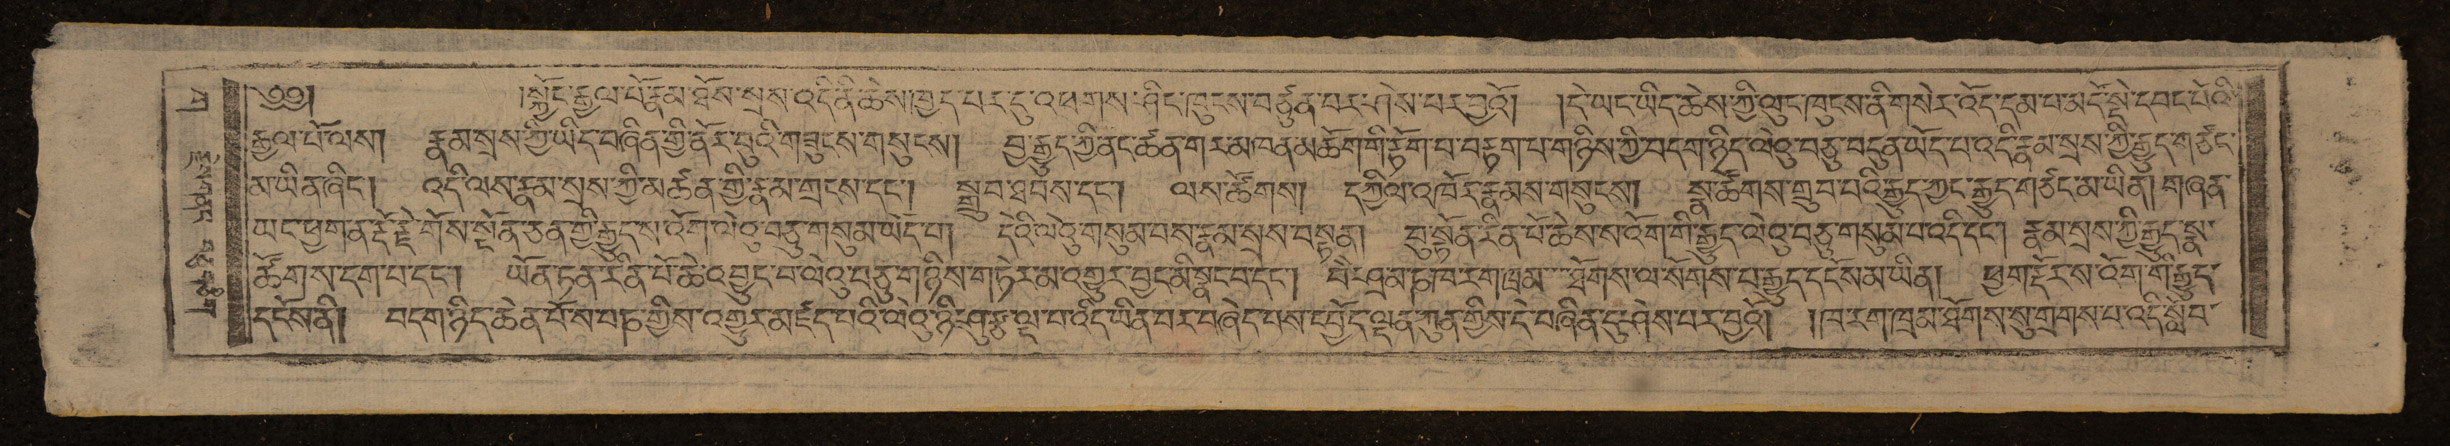༄༅། །སྐྱོང་རྒྱལ་པོ་རྣམ་ཐོས་སྲས་འདི་ནི་ཆེས་ཁྱད་པར་དུ་འཕགས་ཤིང་ཁུངས་བཙུན་པར་ཤེས་པར་བྱའོ། །དེ་ཡང་ཡིད་ཆེས་ཀྱི་ལུང་ཁུངས་ནི་གསེར་འོད་དམ་པ་མདོ་སྡེ་དབང་པོའི་
རྒྱལ་པོ་ལས། རྣམ་སྲས་ཀྱི་ཡིད་བཞིན་གྱི་ནོར་བུའི་གཟུངས་གསུངས། བྱ་རྒྱུད་ཀྱི་ནང་ཚན་གར་མཁན་མཆོག་གི་རྟོག་པ་བརྟག་པ་གཉིས་ཀྱི་བདག་ཉིད་ལེའུ་བཅུ་བདུན་ཡོད་པ་འདི་རྣམ་སྲས་ཀྱི་རྒྱུད་གཙང་
མ་ཡིན་ཞིང་། འདི་ལས་རྣམ་སྲས་ཀྱི་མཚན་གྱི་རྣམ་གྲངས་དང་། སྒྲུབ་ཐབས་དང་། ལས་ཚོགས། དཀྱིལ་འཁོར་རྣམས་གསུངས། སྣ་ཚོགས་གྲུབ་པའི་རྒྱུད་ཀྱང་རྒྱུད་གཙང་མ་ཡིན། གཞན་
ཡང་ཕྱག་ན་རྡོ་རྗེ་གོས་སྔོན་ཅན་གྱི་རྒྱུད་ས་འོག་ལེའུ་བཅུ་གསུམ་ཡོད་པ། དེའི་ལེའུ་གསུམ་པས་རྣམ་སྲས་བསྟན། བུ་སྟོན་རིན་པོ་ཆེས་ས་འོག་གི་རྒྱུད་ལེའུ་བཅུ་གསུམ་པ་འདི་དང་། རྣམ་སྲས་ཀྱི་རྒྱུད་སྣ་
ཚོགས་དག་པ་དང་། ཡོན་ཏན་རིན་པོ་ཆེ་འབྱུང་བ་ལེའུ་བཅུ་གཉིས་གཏེར་མ་འགྱུར་བྱང་མི་སྣང་བ་དང་། བཻ་ཤྲ་མ་ཎ་ཁ་རག་ཁྲམ་ཐོགས་ལ་སོགས་བརྒྱུད་དངོས་མ་ཡིན། ཕྱག་རྡོར་ས་འོག་གི་རྒྱུད་
དངོས་ནི། བདག་ཉིད་ཆེན་པོས་པཎ་གྱིས་འགྱུར་མཛད་པའི་ལེའུ་ཉི་ཤུ་རྩ་ལྔ་པ་འདི་ཡིན་པར་བཞེད་པས་དཔྱོད་ལྡན་ཀུན་གྱིས་དེ་བཞིན་དུ་ཤེས་པར་བྱའོ། །ཁ་རག་ཁྲམ་ཐོགས་སུ་གྲགས་པ་འདི་སློབ་